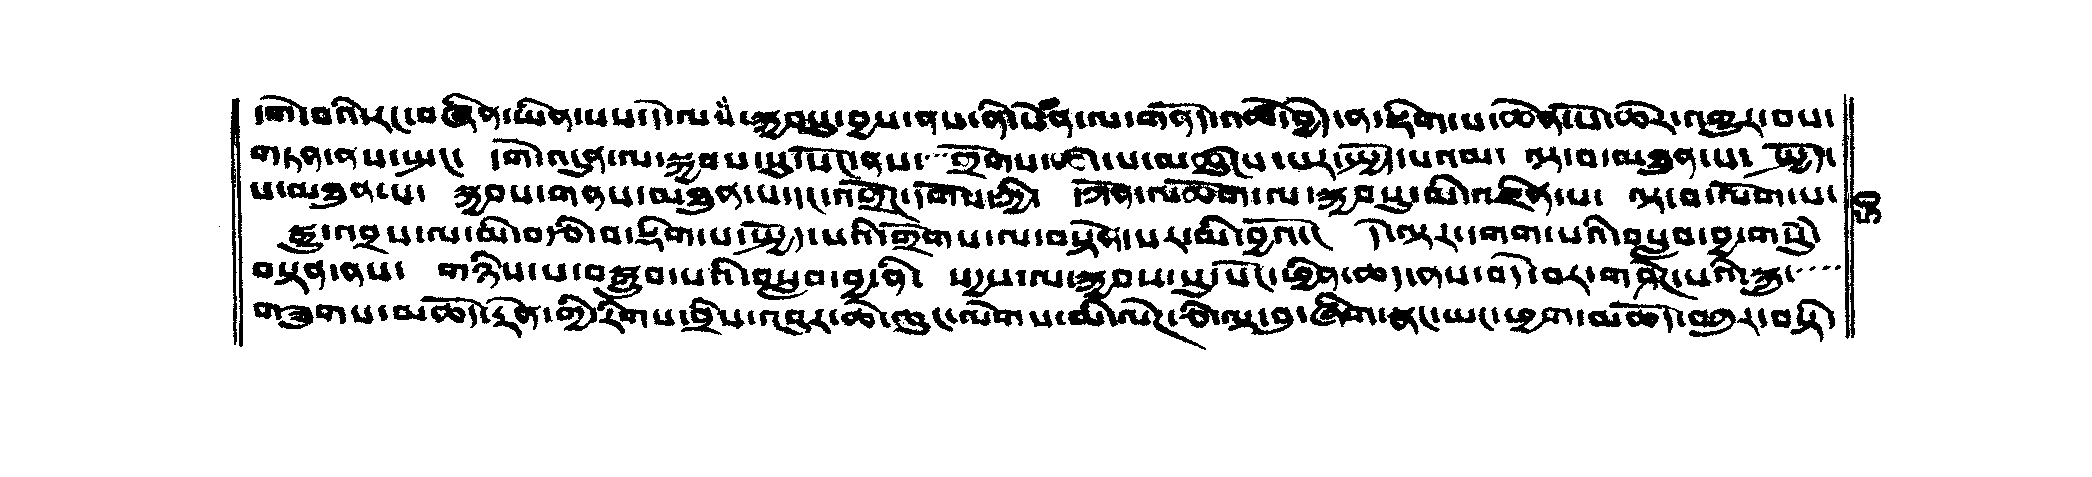དགེ་བའི་རང་བཞིན་ཡིན་པས་དེ་ལས་སྐྱབས་སུ་བྱས་ནས་ནི་སེམས་ཅན་ལ་གནོད་འཚེ་བྱེད་ན་སྡིག་པ་ཆེན་པོ་ཆེར་འགྱུར་བས་
གཏན་ནས་སྤང་། དགེ་འདུན་ལ་སྐྱབས་སུ་སོང་ནས་གྲོགས་ཆད་པ་མཚུངས་པར་སྤྱོད་པའམ། ལྟ་བ་མཐུན་པ། སྤྱོད་
པ་མཐུན་པ།སྐྱབས་གནས་མཐུན་པ་དང་འགྲོགས་དགོས་ཀྱི། དཀོན་མཆོག་ལ་སྐྱབས་སུ་མི་འཛིན་པ། ལྟ་བ་ལོག་པ་
སྒྱུ་འབྲས་ལ་མི་བརྩི་བ་སྡིག་པ་སྤྱོད་པའི་གྲོགས་ལ་བསྟེན་པར་མི་བྱའོ། དེ་ལྟར་དགག་པའི་བསླབ་བྱ་གསུམ་
བསྟན་ནས། གཉིས་པ་བསྒྲུབ་པའི་བསླབ་བྱ་ནི། སངས་རྒྱས་ལ་སྐྱབས་སུ་སོང་ཕྱིན་ཆད་ནས་བདེ་བར་གཤེགས་པའི་སྐུ་
གཟུགས་མཆོད་རྟེན་གྱི་རིགས་བྲིས་འབུར་ཆེ་ཆུང་ལེགས་མི་ལེགས་ཅི་ལྟ་བུ་ཞིག་སྣང་ཡང་ཕྱག་མཆོད་བཀུར་བསྟི་